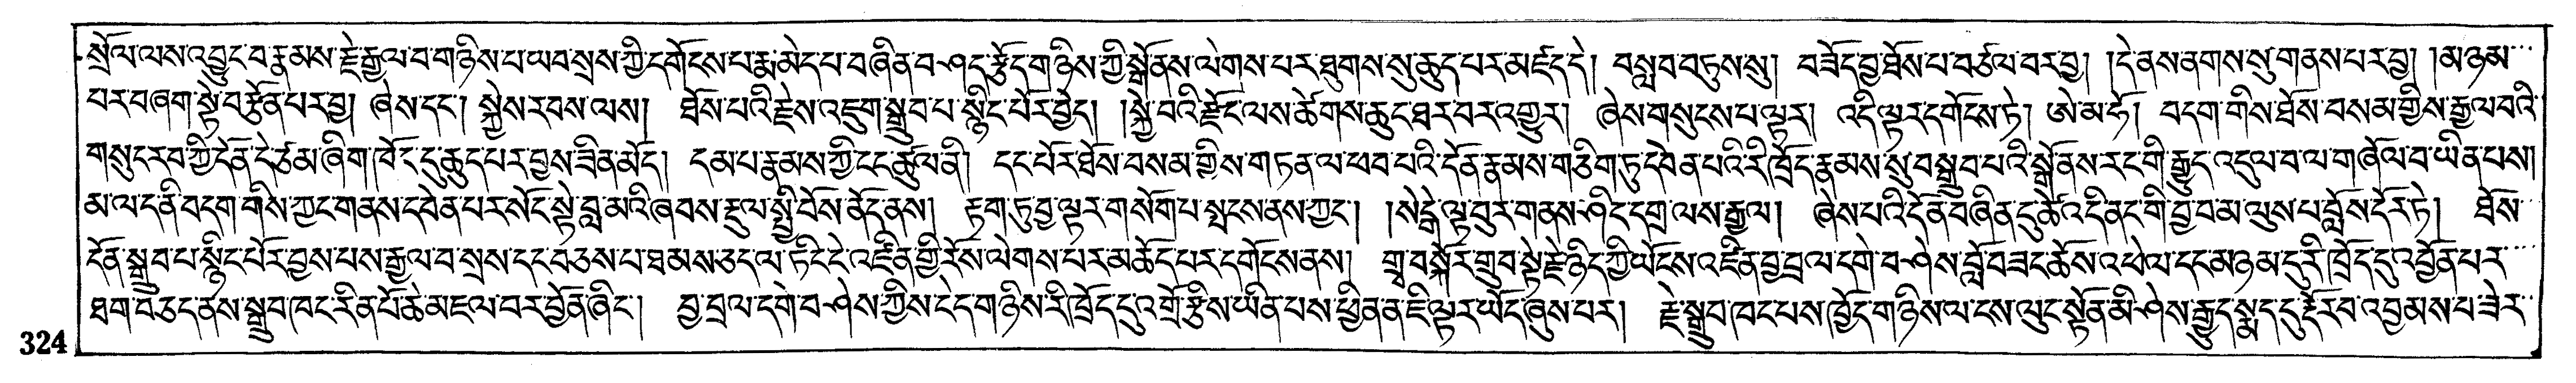སྲོལ་ལས་འབྱུང་བ་རྣམས་རྗེ་རྒྱལ་བ་གཉིས་པ་ཡབ་སྲས་ཀྱི་དགོངས་པ་རྨ་མེད་པ་བཞིན་བཤད་རྩོད་གཉིས་ཀྱི་སྒོ་ནས་ལེགས་པར་ཐུགས་སུ་ཆུད་པར་མཛད་དེ། བསླབ་བཏུས་སུ། བཟོད་བྱ་ཐོས་པ་བཙལ་བར་བྱ། །དེ་ནས་ནགས་སུ་གནས་པར་བྱ། །མཉམ་
པར་བཞག་སྟེ་བརྩོན་པར་བྱ། ཞེས་དང་། སྐྱེས་རབས་ལས། ཐོས་པའི་རྗེས་འཇུག་སྒྲུབ་པ་སྙིང་པོར་བྱེད། །སྐྱེ་བའི་རྫོང་ལས་ཚེགས་ཆུང་ཐར་པར་འགྱུར། ཞེས་གསུངས་པ་ལྟར། འདི་ལྟར་དགོངས་ཏེ། ཨེ་མ་ཧོ། བདག་གིས་ཐོས་བསམ་གྱིས་རྒྱལ་བའི་
གསུང་རབ་ཀྱི་དོན་དེ་ཙམ་ཞིག་ཁོང་དུ་ཆུད་པར་བྱས་ཟིན་མོད། དམ་པ་རྣམས་ཀྱི་ངང་ཚུལ་ནི། དང་པོར་ཐོས་བསམ་གྱིས་གཏན་ལ་བབ་པའི་དོན་རྣམས་གཅིག་ཏུ་དབེན་པའི་རི་ཁྲོད་རྣམས་སུ་བསྒྲུབ་པའི་སྒོ་ནས་རང་གི་རྒྱུད་འདུལ་བ་ལ་གཞོལ་པ་ཡིན་པས།
མ་ལ་ད་ནི་བདག་གིས་ཀྱང་གནས་དབེན་པར་སོང་སྟེ་བླ་མའི་ཞབས་རྡུལ་སྤྱི་བོས་ནོང་ནས། རྟག་ཏུ་བྱ་ལྟར་གསོག་པ་སྤངས་ནས་ཀྱང་། སེངྒེ་ལྟ་བུར་གནས་ཤིང་དགྲ་ལས་རྒྱལ། ཞེས་པའི་དོན་བཞིན་དུ་ཚེ་འདི་ནང་གི་བྱ་བ་མ་ལུས་པ་བློས་དོར་ཏེ། ཐོས་
དོན་སྒྲུབ་པ་སྙིང་པོར་བྱས་པས་རྒྱལ་བ་སྲས་དང་བཅས་པ་ཐམས་ཅད་ལ་ཏིང་ངེ་འཛིན་གྱི་རོས་ལེགས་པར་མཆོད་པར་དགོངས་ནས། གྲྭ་བསྐོར་གྲུབ་སྟེ་རྗེ་ཉིད་ཀྱི་ཡོངས་འཛིན་བྱ་བྲལ་དགེ་བཤེས་བློ་བཟང་ཆོས་འཕེལ་དང་མཉམ་དུ་རི་ཁྲོད་དུ་འབྱོན་པར་
ཐག་བཅད་ནས་སྒྲུབ་ཁང་རིན་པོ་ཆེ་མཇལ་བར་བྱོན་ཞིང་། བྱ་བྲལ་དགེ་བ་ཤེས་ཀྱིས་ངེད་གཉིས་རི་ཁྲོད་དུ་འགྲོ་རྩིས་ཡིན་པས་ཕྱིན་ན་ཇི་ལྟར་ཡོད་ཞུས་པར། རྗེ་སྒྲུབ་ཁང་པས་ཁྱོད་གཉིས་ལ་ངས་ལུང་སྟོན་མི་ཤེས་རྒྱུད་སྨད་དུ་རྡོ་རབ་འབྱམས་བཟེར་